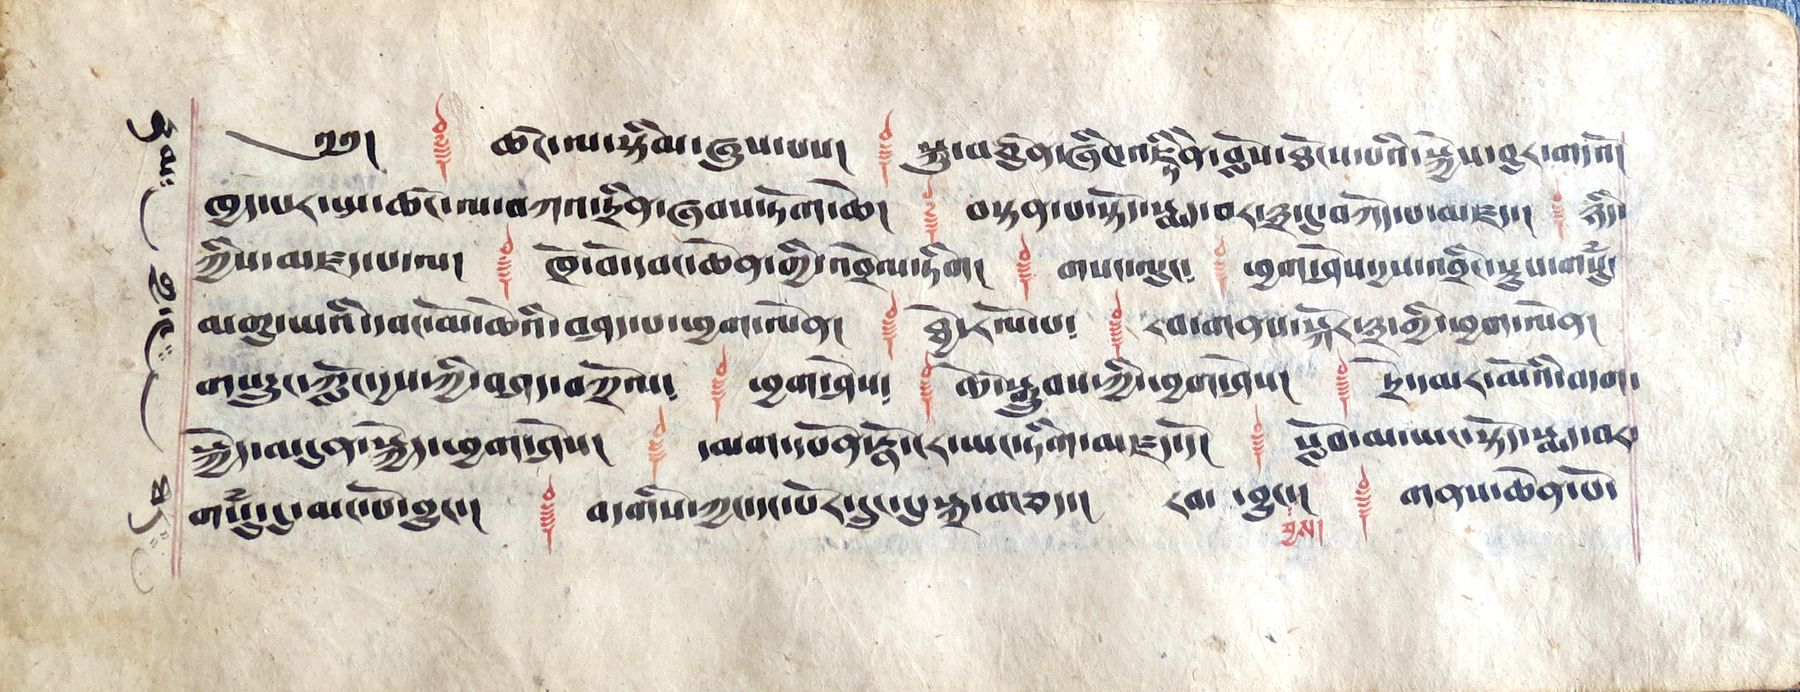ཚང་ལ་བསྟིམ་ཞུས་པས། སྐུ་བཙུན་ཞིང་འཇིག་རྟེན་བློས་ཐོང་པའི་སྐྱེས་བུར་གདའ་འོ། ། 
ཁྱེད་སྤ་ཚང་ལ་བཀའ་དྲིན་ཞབས་ཏོག་ཆེ། བསྟན་པ་སྟོད་སྨད་བར་གསུམ་དུ་བཀོད་པ་མཛད། ཉིད་
ཀྱིས་མཛད་པ་ལ་ཁྲོ་བོ་དབང་ཆེན་གྱི་འགྲེལ་ཏིག གསང་ལུང་ཕྱག་བཞེས་རྒྱས་འབྲིང་བསྡུས་གསུམ། 
འགུ་ཡ་དབང་མོ་ཆེའི་བཤད་པ་ཕྱག་ལེན། ཐུགས་རྗེ་རོལ་པའི་རབ་གནས་སྐོར་གསུམ་གྱི་ཕྱག་ལེན། 
གཡུང་དྲུང་ཀློང་རྒྱས་ཀྱི་བཤད་བཀྲོལ་ཕྱག་བཞེས། ཚེ་སྒྲུབ་ཀྱི་ཕྱག་བཞེས། དྲེལ་དམར་མོའི་བདག་
བསྐྱེད་ཕྱག་བཞེས། དམག་དཔོན་རྣོ་ངར་ཡང་ཏིག་མཛད་དོ། ། སློབ་མ་ཡང་སྟོད་སྨད་བར་
གསུམ་དུ་མང་པོ་བྱུང་། བདག་གིས་ཀྱང་དང་པོ་དྲུང་དུ་སྐྲ་བཅད་རབ་བྱུང་བྱས། གནས་ཆེན་པོ་